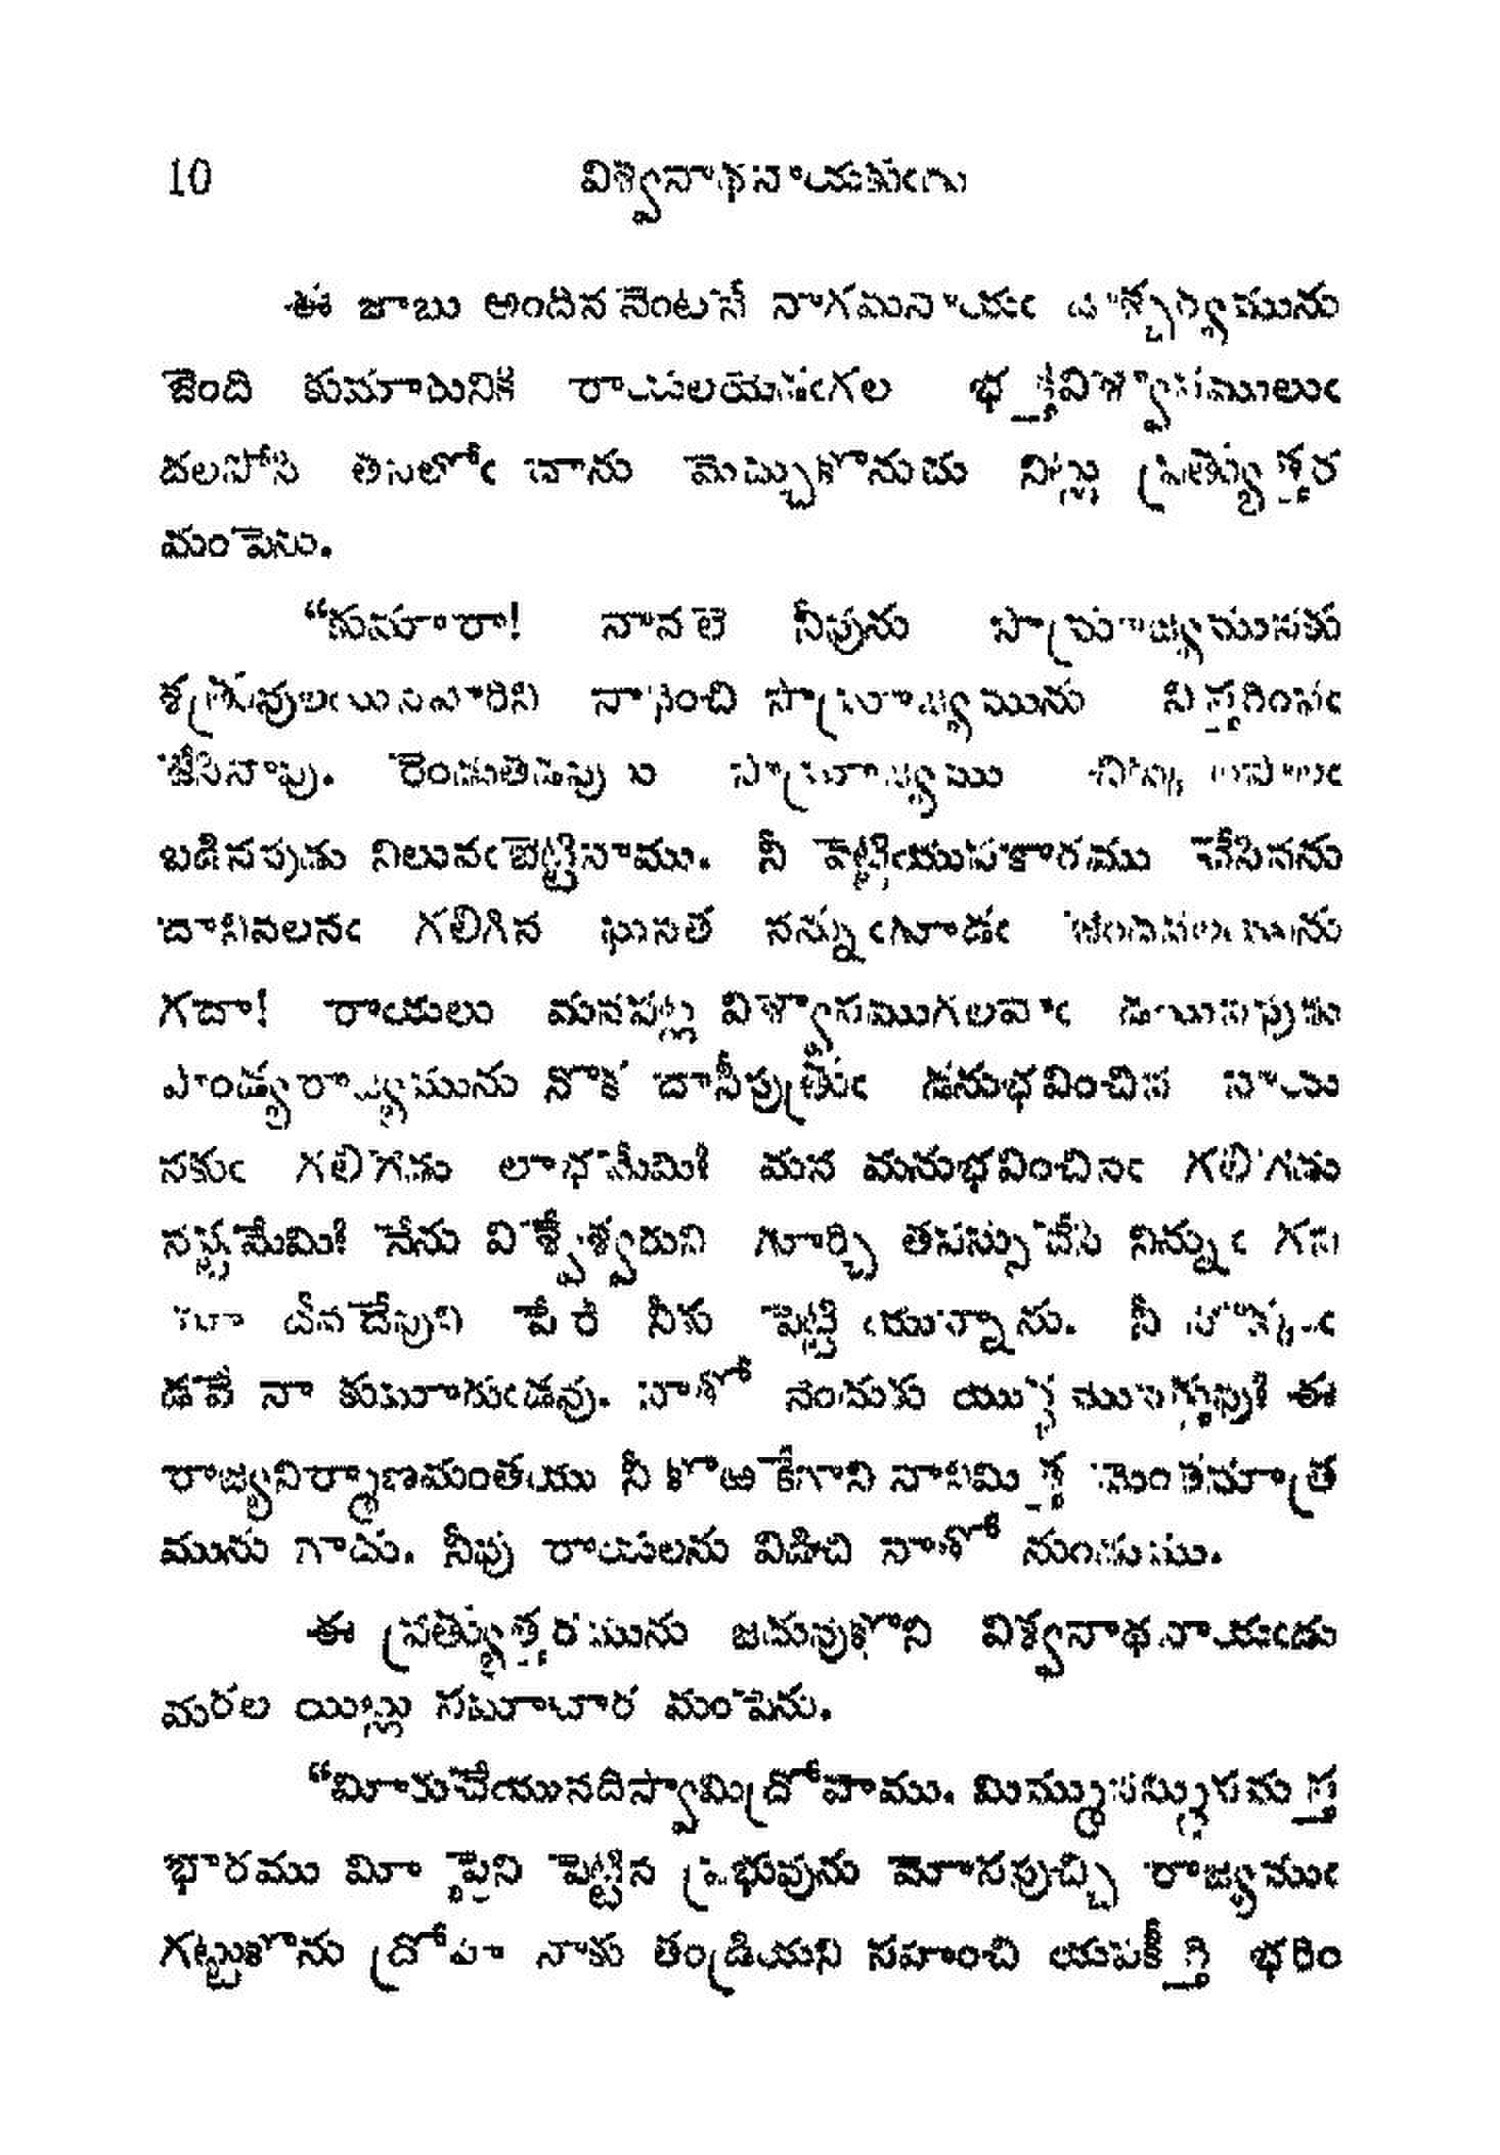ఈ జాబు అందినవెంటనే నాగమనాయఁ డాశ్చర్యమును జెంది కుమారునికి రాయలయెడఁగల భక్తివిశ్వాసములుఁ దలపోసి తనలోఁ దాను మెచ్చుకొనుచు నిట్లు ప్రత్యుత్తర మంపెను.

"కుమారా! నావలె నీవును సామ్రాజ్యమునకు శత్రువులయినవారిని సాధించి సామ్రాజ్యమును విస్తరింపఁ జేసినావు. రెండుతడవులు సామ్రాజ్యము చిక్కులపాలఁ బడినపుడు నిలువఁబెట్టినాము. నీ వెట్టియుపకారము చేసినను దానివలనఁ గలిగిన ఘనత నన్నుఁగూడఁ జెందవలయును గదా! రాయలు మనపట్ల విశ్వాసముగలవాఁ డయినపుడు పాండ్యరాజ్యమును నొక దాసీపుత్రుఁ డనుభవించిన నాయనకు గలిగెడు లాభమేమి? మన మనుభవించినఁ గలిగెడు నష్టమేమి? నేను విశ్వేశ్వరుని గూర్చి తపస్సుచేసి నిన్నుఁ గని యా దేవదేవుని పేరే నీకు పెట్టి యున్నాను. నీ వొక్కండవే నా కుమారుఁడవు. నాతో నెందుకు యుద్ధమొనర్తువు? ఈ రాజ్యనిర్మాణమంతయు నీ కొఱకేగాని నానిమిత్త మెంతమాత్రమును గాదు. నీవు రాయలను విడిచి నాతో నుండుము.

ఈ ప్రత్యుత్తరమును జదువుకొని విశ్వనాథనాయఁడు మరల యిట్లు సమాచార మంపెను.

"మీరుచేయునదిస్వామిద్రోహము. మిమ్మునమ్మిసమస్త భారము మీ పైని పెట్టిన ప్రభువును మోసపుచ్చి రాజ్యముఁ గట్టుకొని ద్రోహి నాకు తండ్రియని సహించి యపకీర్తి భరిం